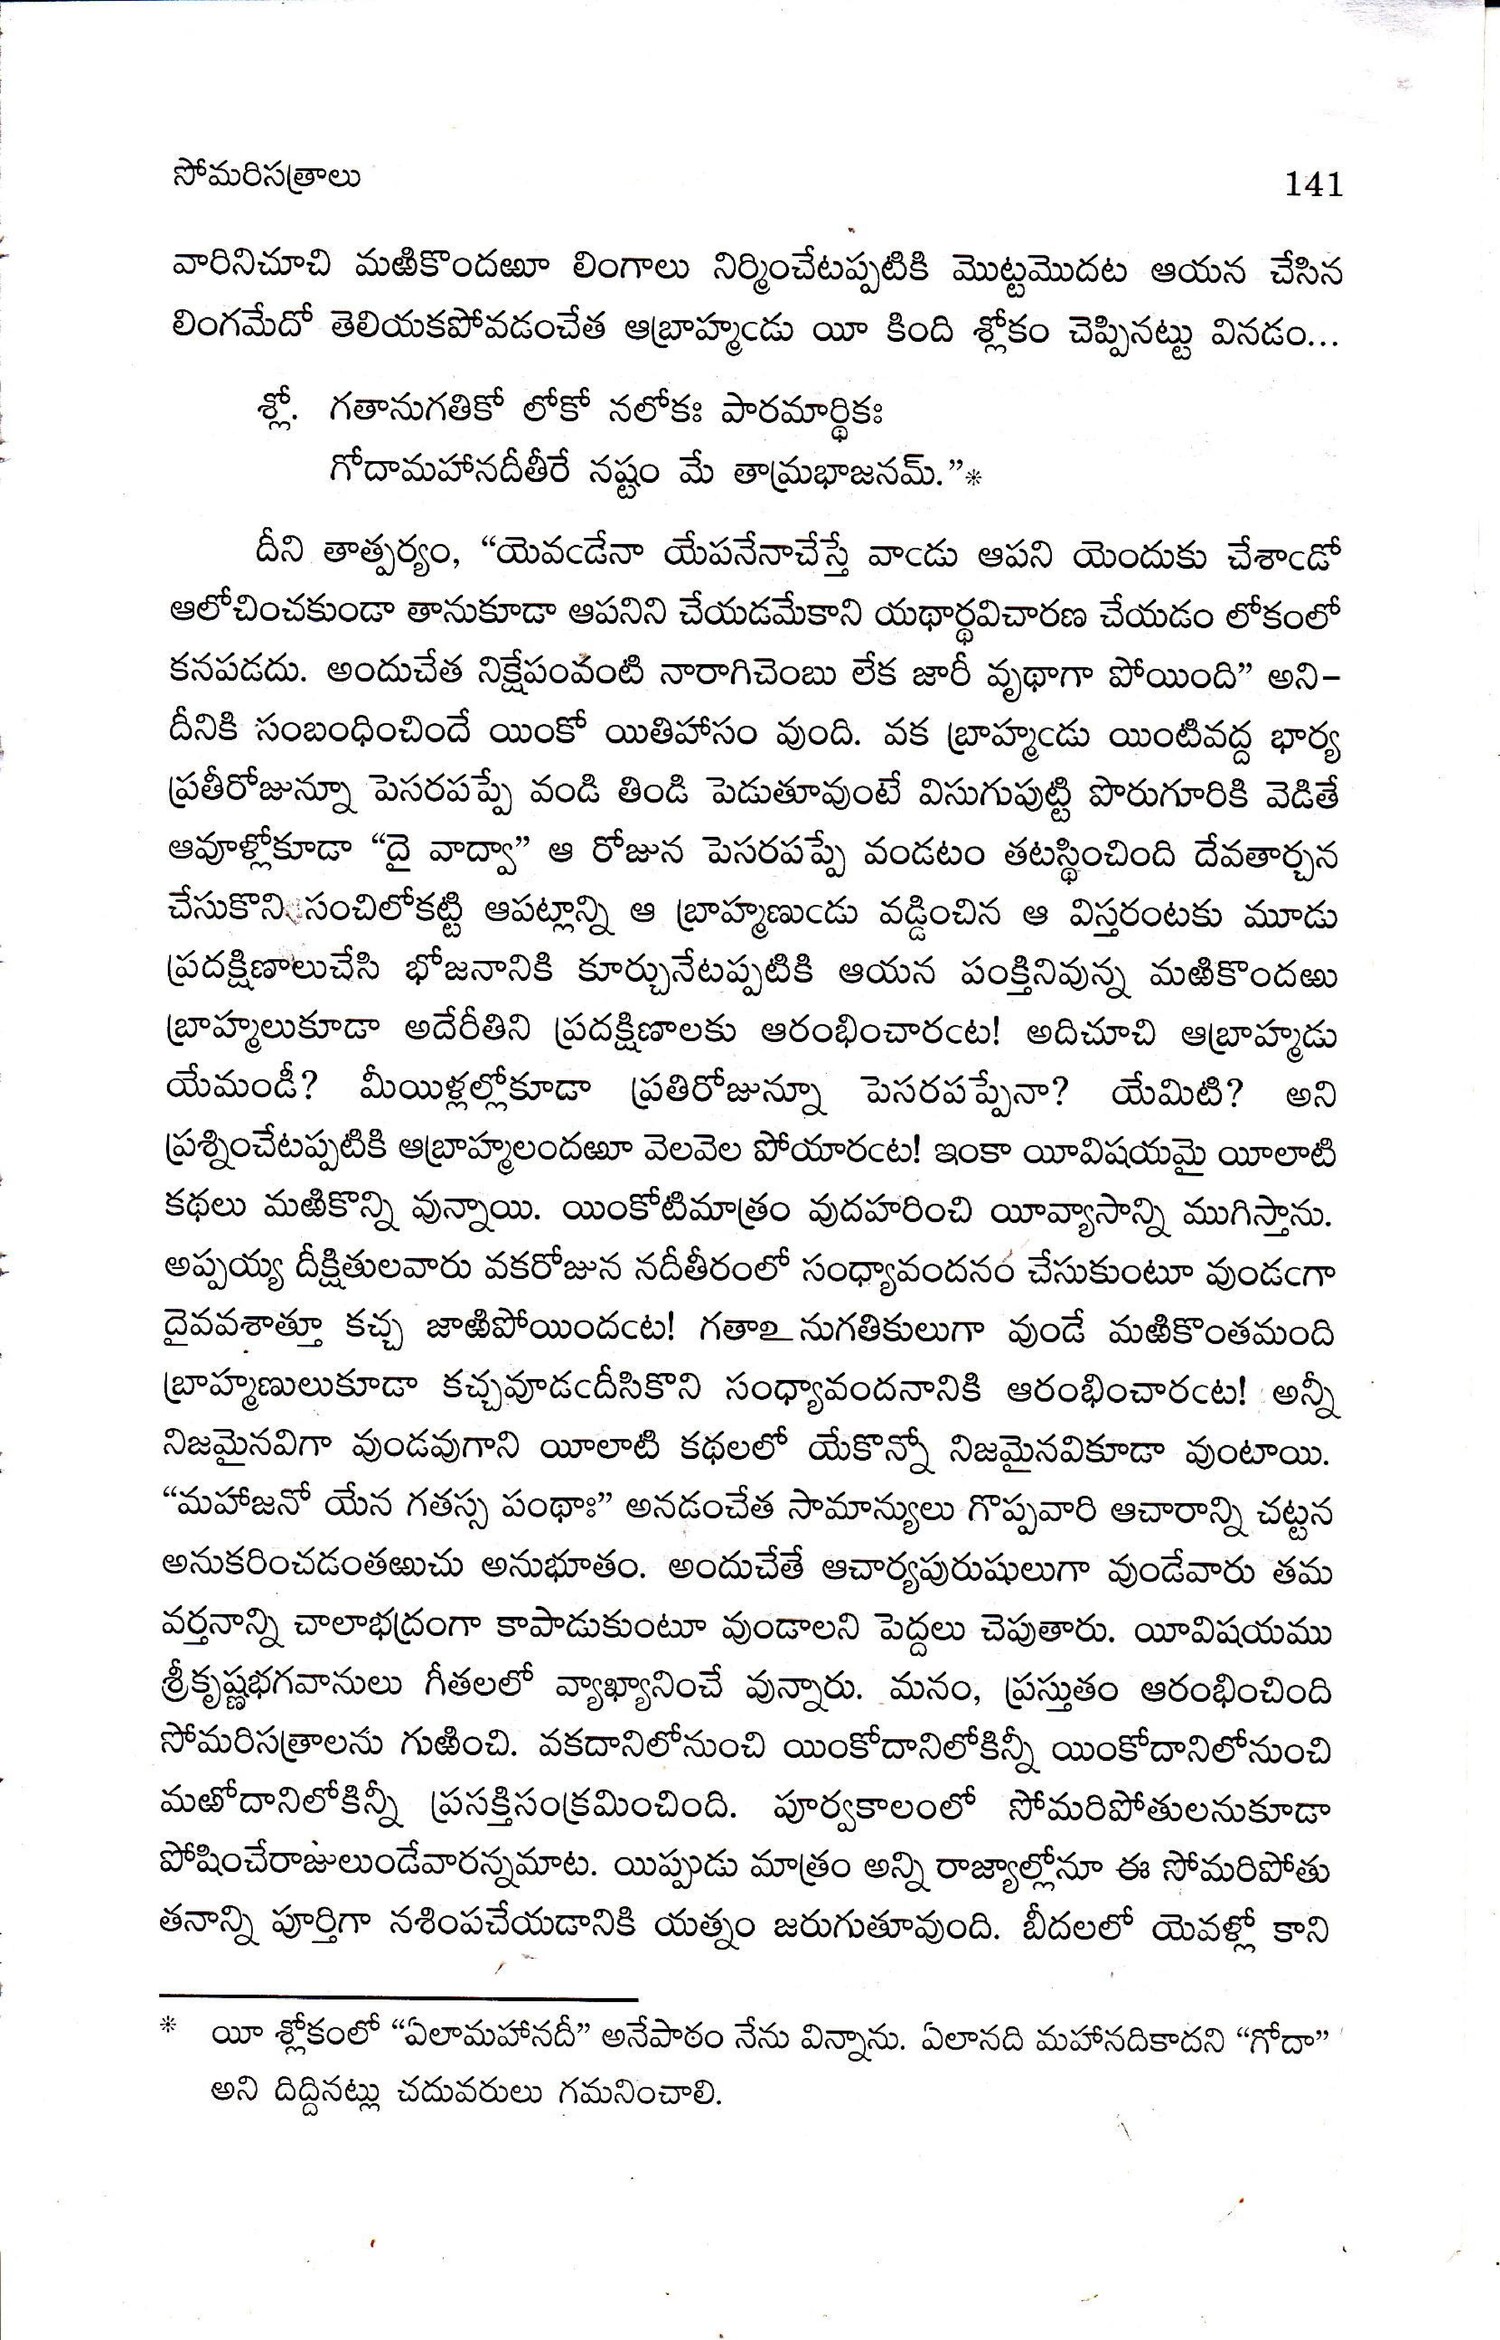వారినిచూచి మఱికొందఱూ లింగాలు నిర్మించేటప్పటికి మొట్టమొదట ఆయన చేసిన లింగమేదో తెలియకపోవడంచేత ఆబ్రాహ్మఁడు యీ కింది శ్లోకం చెప్పినట్టు వినడం...

శ్లో. గతానుగతికో లోకో నలోకః పారమార్థికః
 గోదామహానదీతీరే నష్టం మే తామ్రభాజనమ్. ”*
దీని తాత్పర్యం, “యెవఁడేనా యేపనేనాచేస్తే వాఁడు ఆపని యెందుకు చేశాఁడో ఆలోచించకుండా తానుకూడా ఆపనిని చేయడమేకాని యథార్థవిచారణ చేయడం లోకంలో కనపడదు. అందుచేత నిక్షేపంవంటి నారాగిచెంబు లేక జారీ వృథాగా పోయింది" అనిదీనికి సంబంధించిందే యింకో యితిహాసం వుంది. వక బ్రాహ్మఁడు యింటివద్ద భార్య ప్రతీరోజున్నూ పెసరపప్పే వండి తిండి పెడుతూవుంటే విసుగుపుట్టి పొరుగూరికి వెడితే ఆవూళ్లోకూడా ‘దై వాద్వా" ఆ రోజున పెసరపప్పే వండటం తటస్థించింది దేవతార్చన చేసుకొని సంచిలోకట్టి ఆపట్లాన్ని ఆ బ్రాహ్మణుఁడు వడ్డించిన ఆ విస్తరంటకు మూడు ప్రదక్షిణాలుచేసి భోజనానికి కూర్చునేటప్పటికి ఆయన పంక్తినివున్న మఱికొందఱు బ్రాహ్మలుకూడా అదేరీతిని ప్రదక్షిణాలకు ఆరంభించారఁట! అదిచూచి ఆబ్రాహ్మడు యేమండీ? మీయిళ్లల్లోకూడా ప్రతిరోజున్నూ పెసరపప్పేనా? యేమిటి? అని ప్రశ్నించేటప్పటికి ఆబ్రాహ్మలందఱూ వెలవెల పోయారఁట! ఇంకా యీవిషయమై యీలాటి కథలు మఱికొన్ని వున్నాయి. యింకోటిమాత్రం వుదహరించి యీవ్యాసాన్ని ముగిస్తాను. అప్పయ్య దీక్షితులవారు వకరోజున నదీతీరంలో సంధ్యావందనం చేసుకుంటూ వుండఁగా దైవవశాత్తూ కచ్చ జాఱిపోయిందఁట! గతా౽నుగతికులుగా వుండే మఱికొంతమంది బ్రాహ్మణులుకూడా కచ్చవూడcదీసికొని సంధ్యావందనానికి ఆరంభించారఁట! అన్నీ నిజమైనవిగా వుండవుగాని యీలాటి కథలలో యేకొన్నో నిజమైనవికూడా వుంటాయి. “మహాజనో యేన గతస్స పంథాః" అనడంచేత సామాన్యులు గొప్పవారి ఆచారాన్ని చట్టన అనుకరించడంతఱుచు అనుభూతం. అందుచేతే ఆచార్యపురుషులుగా వుండేవారు తమ వర్తనాన్ని చాలాభద్రంగా కాపాడుకుంటూ వుండాలని పెద్దలు చెపుతారు. యీవిషయము శ్రీకృష్ణభగవానులు గీతలలో వ్యాఖ్యానించే వున్నారు. మనం, ప్రస్తుతం ఆరంభించింది సోమరిసత్రాలను గుఱించి. వకదానిలోనుంచి యింకోదానిలోకిన్నీ యింకోదానిలోనుంచి మఱోదానిలోకిన్నీ ప్రసక్తిసంక్రమించింది. పూర్వకాలంలో సోమరిపోతులనుకూడా పోషించేరాజులుండేవారన్నమాట. యిప్పడు మాత్రం అన్ని రాజ్యాల్లోనూ ఈ సోమరిపోతుతనాన్ని పూర్తిగా నశింపచేయడానికి యత్నం జరుగుతూవుంది. బీదలలో యెవళ్లో కాని